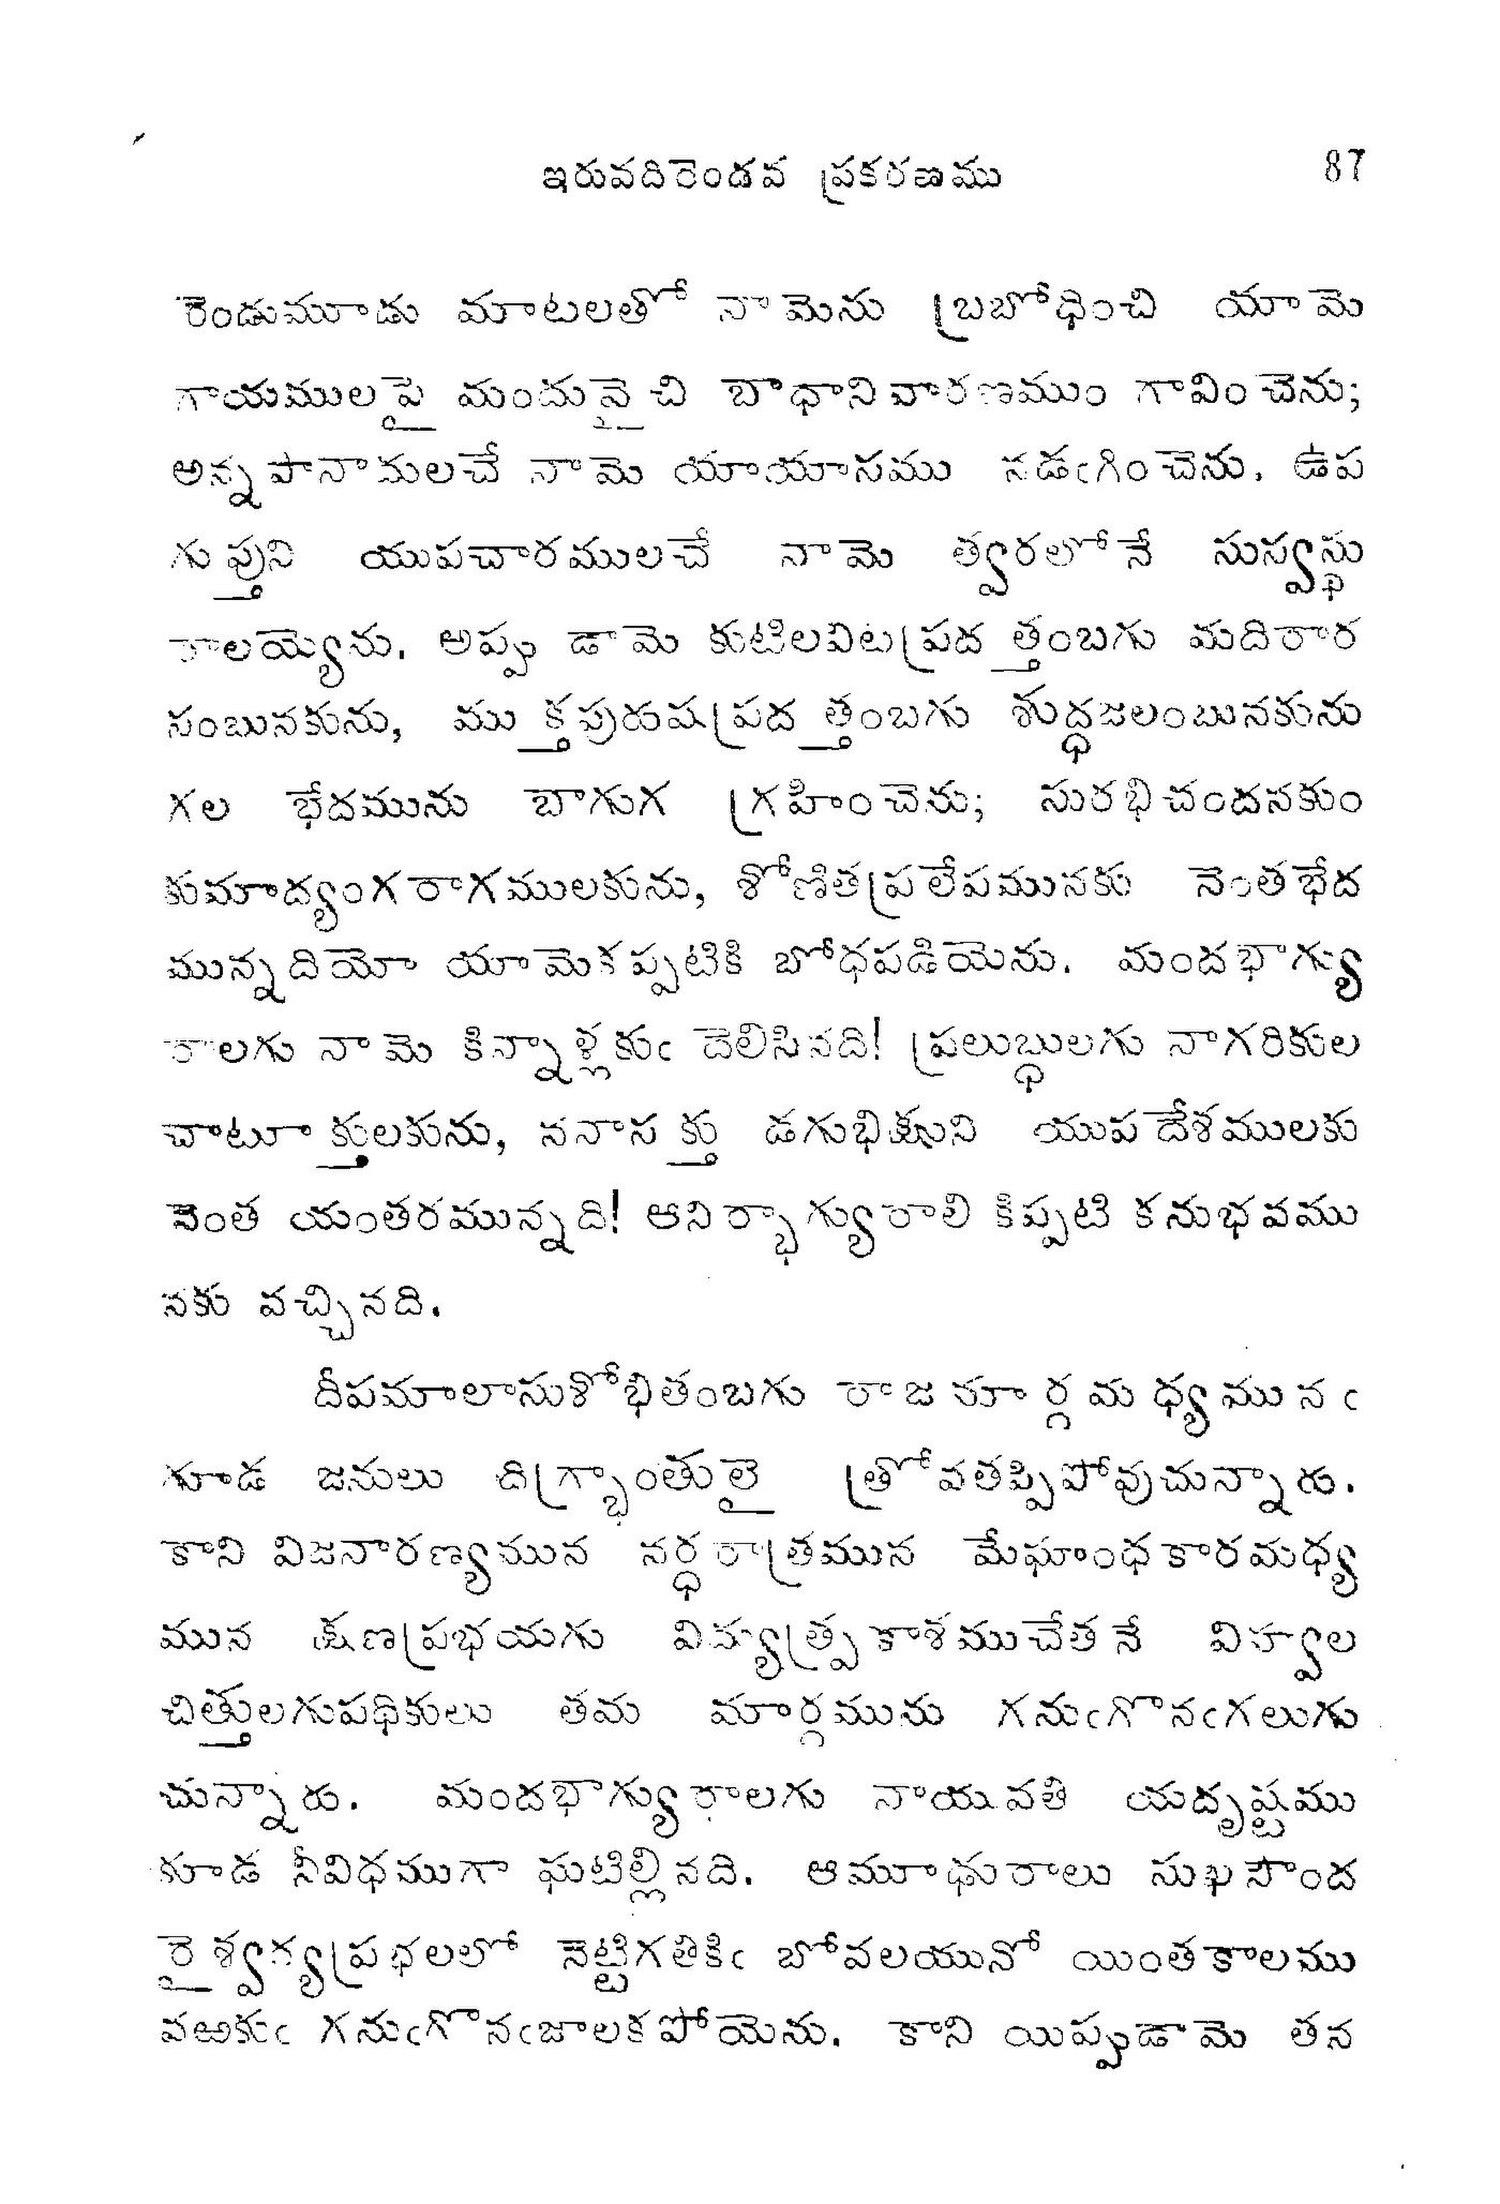రెండు మూడు మాటలతో నామెను బ్రబోధించి యామె గాయముల పై మంచువైచి బాధానివారణముం గావించెను; అన్న పానాదులచే నామె యాయాసము నడఁగించెను, ఉప
గుప్తుని యుపచారములచే నామె త్వరలోనే సుస్వస్థురాలయ్యెను. అప్పుడామె కుటిలవిలప్రద త్తంబగు మదిరారసంబునకును, ముక్తపురుషప్రద త్తంబగు శుద్ధజలంబునకునుగల భేదమును బాగుగ గ్రహించెను; సురభిచందనకుంకుమాద్యంగ రాగములకును, శోణితప్రలేపమునకు నెంత భేదమున్నదియో యామేకప్పటికి బోధపడియెను. మంద భాగ్యురాలగు నామె కిన్నాళ్లకుఁ దెలిసినది! ప్రలుబ్ధులగు నాగరికుల చాటూ క్తులకును, ననాసక్తు డగుభిక్షుని యుప దేశములకు నెంత యంతరమున్నది! ఆనిర్భాగ్యురాలి కిప్పటి కనుభవమునకు వచ్చినది.

దీపమాలాసుశోభితంబగు రాజ మార్గ మధ్యమునఁ గూడ జనులు దిగ్బ్రాంతులై త్రోవ తప్పి పోవుచున్నారు. కాని విజనారణ్యమున నర్ధరాత్రమున మేఘాంధ కారమధ్యమున క్షణప్రభయగు విద్యుత్ప్రకాశము చేతనే విహ్వల చిత్తులగుపథికులు తమ మార్గమును గనుఁగొనఁగలుగు
చున్నారు. మందభాగ్యురాలగు నాయువతి యదృష్టము కూడ నీవిధముగా ఘటిల్లినది. ఆ మూఢురాలు సుఖసౌందరైశ్వర్యప్రభలలో నెట్టిగతికిఁ బోవలయునో యింత కాలము వఱకుఁ గనుఁగొనఁజాలక పోయెను. కాని యిప్పుడామె తన